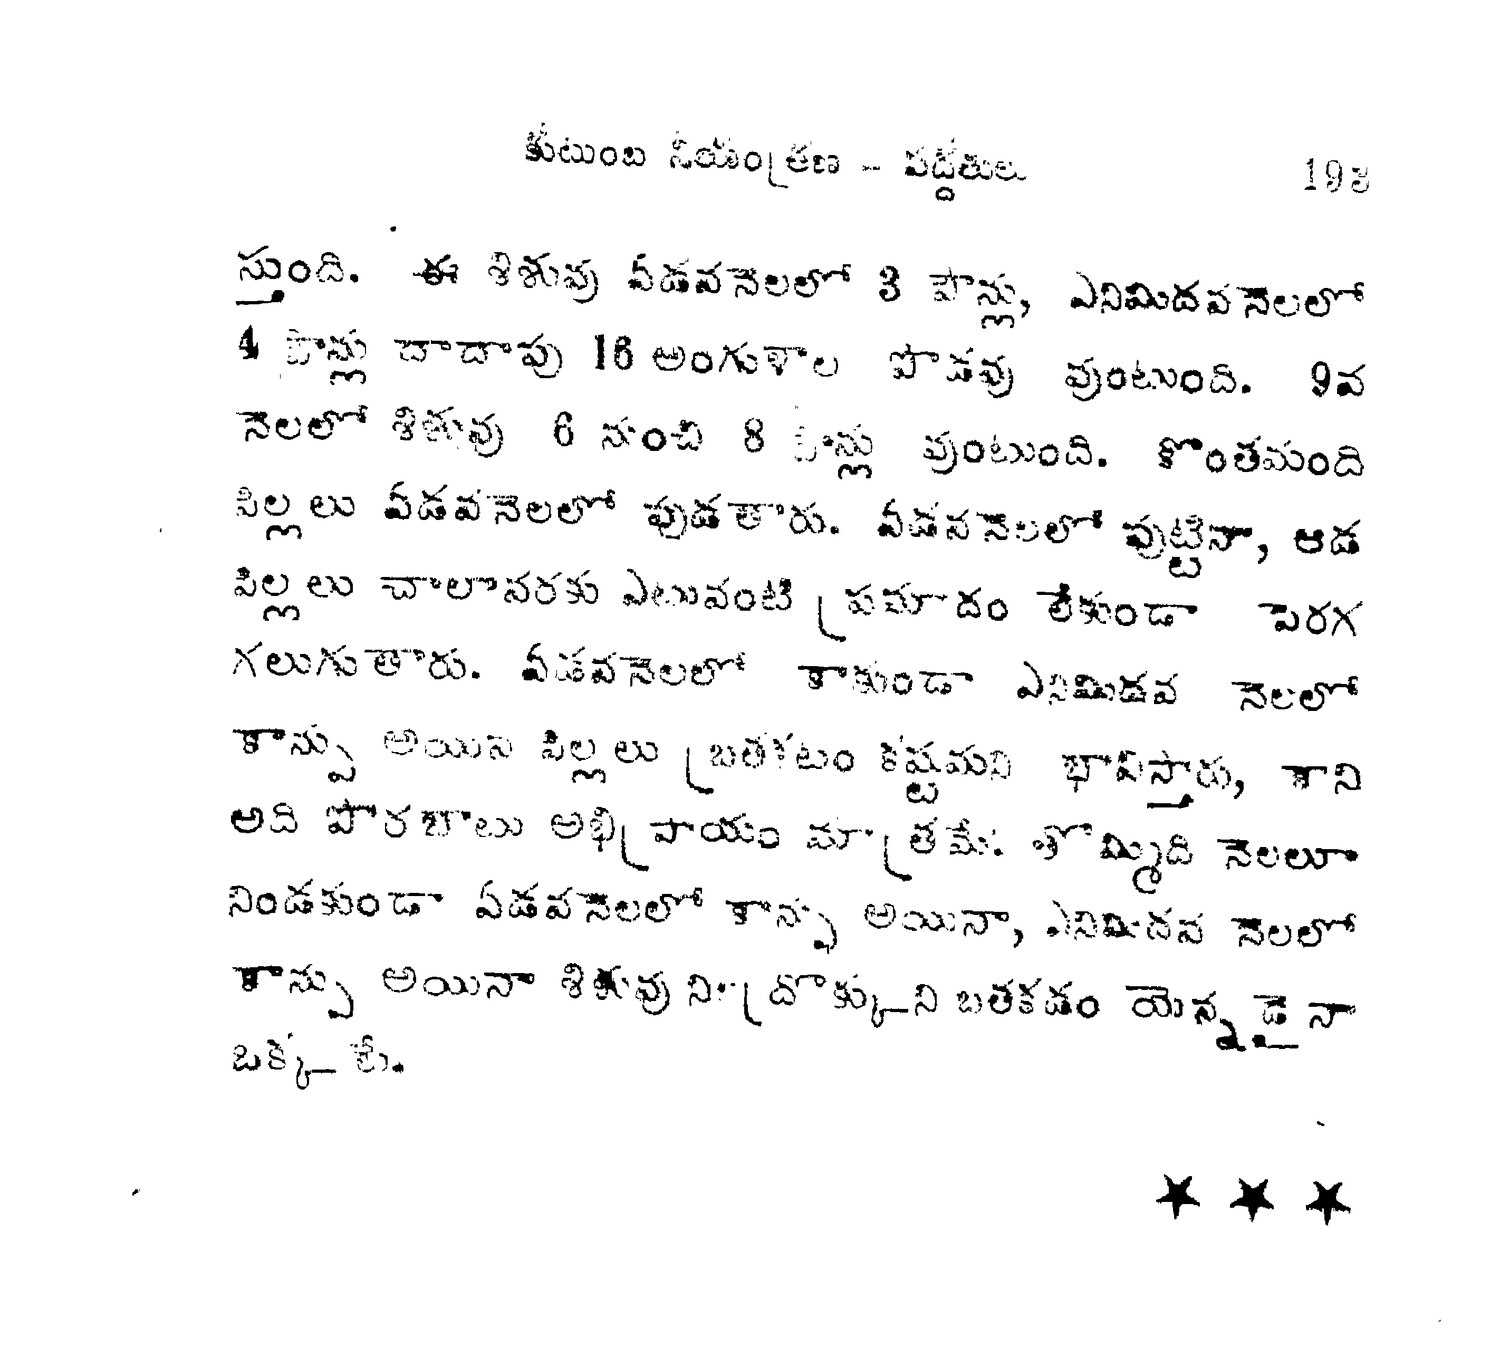స్తుంది. ఈ శిశువు ఏడవనెలలో 3 పౌన్లు, ఎనిమిదివనెలలో 4 పౌన్లు దాదాపు 16 అంగుళాల పొడవు వుంటుంది. 9 వ నెలలో శిశువు 6 నుంచి 8 పౌన్లు వుంటుంది. కొంతమంది పిల్లలు ఏడవనెలలో పుడతారు. ఏడవనెలలో పుట్టినా, ఆడపిల్లలు చాలావరకు ఎటువంటి ప్రమాదం లేకుండా పెరగ గలుగుతారు. ఏడవనెలలో కాకుండా ఎనిమిదవ నెలలో కాన్పు అయిన పిల్లలు బ్రతకటం కష్టమని భావిస్తారు. కాని అది పొరబాటు అభిప్రాయం మాత్రమే. తొమ్మిది నెలలూ నిండకుండా ఏడవనెలలో కాన్పు అయినా, ఎనిమిదవ నెలలో కాన్పు అయినా శిశువు నిలద్రొక్కుని బతకడం యెన్నడైనా ఒక్కటే.

* * *